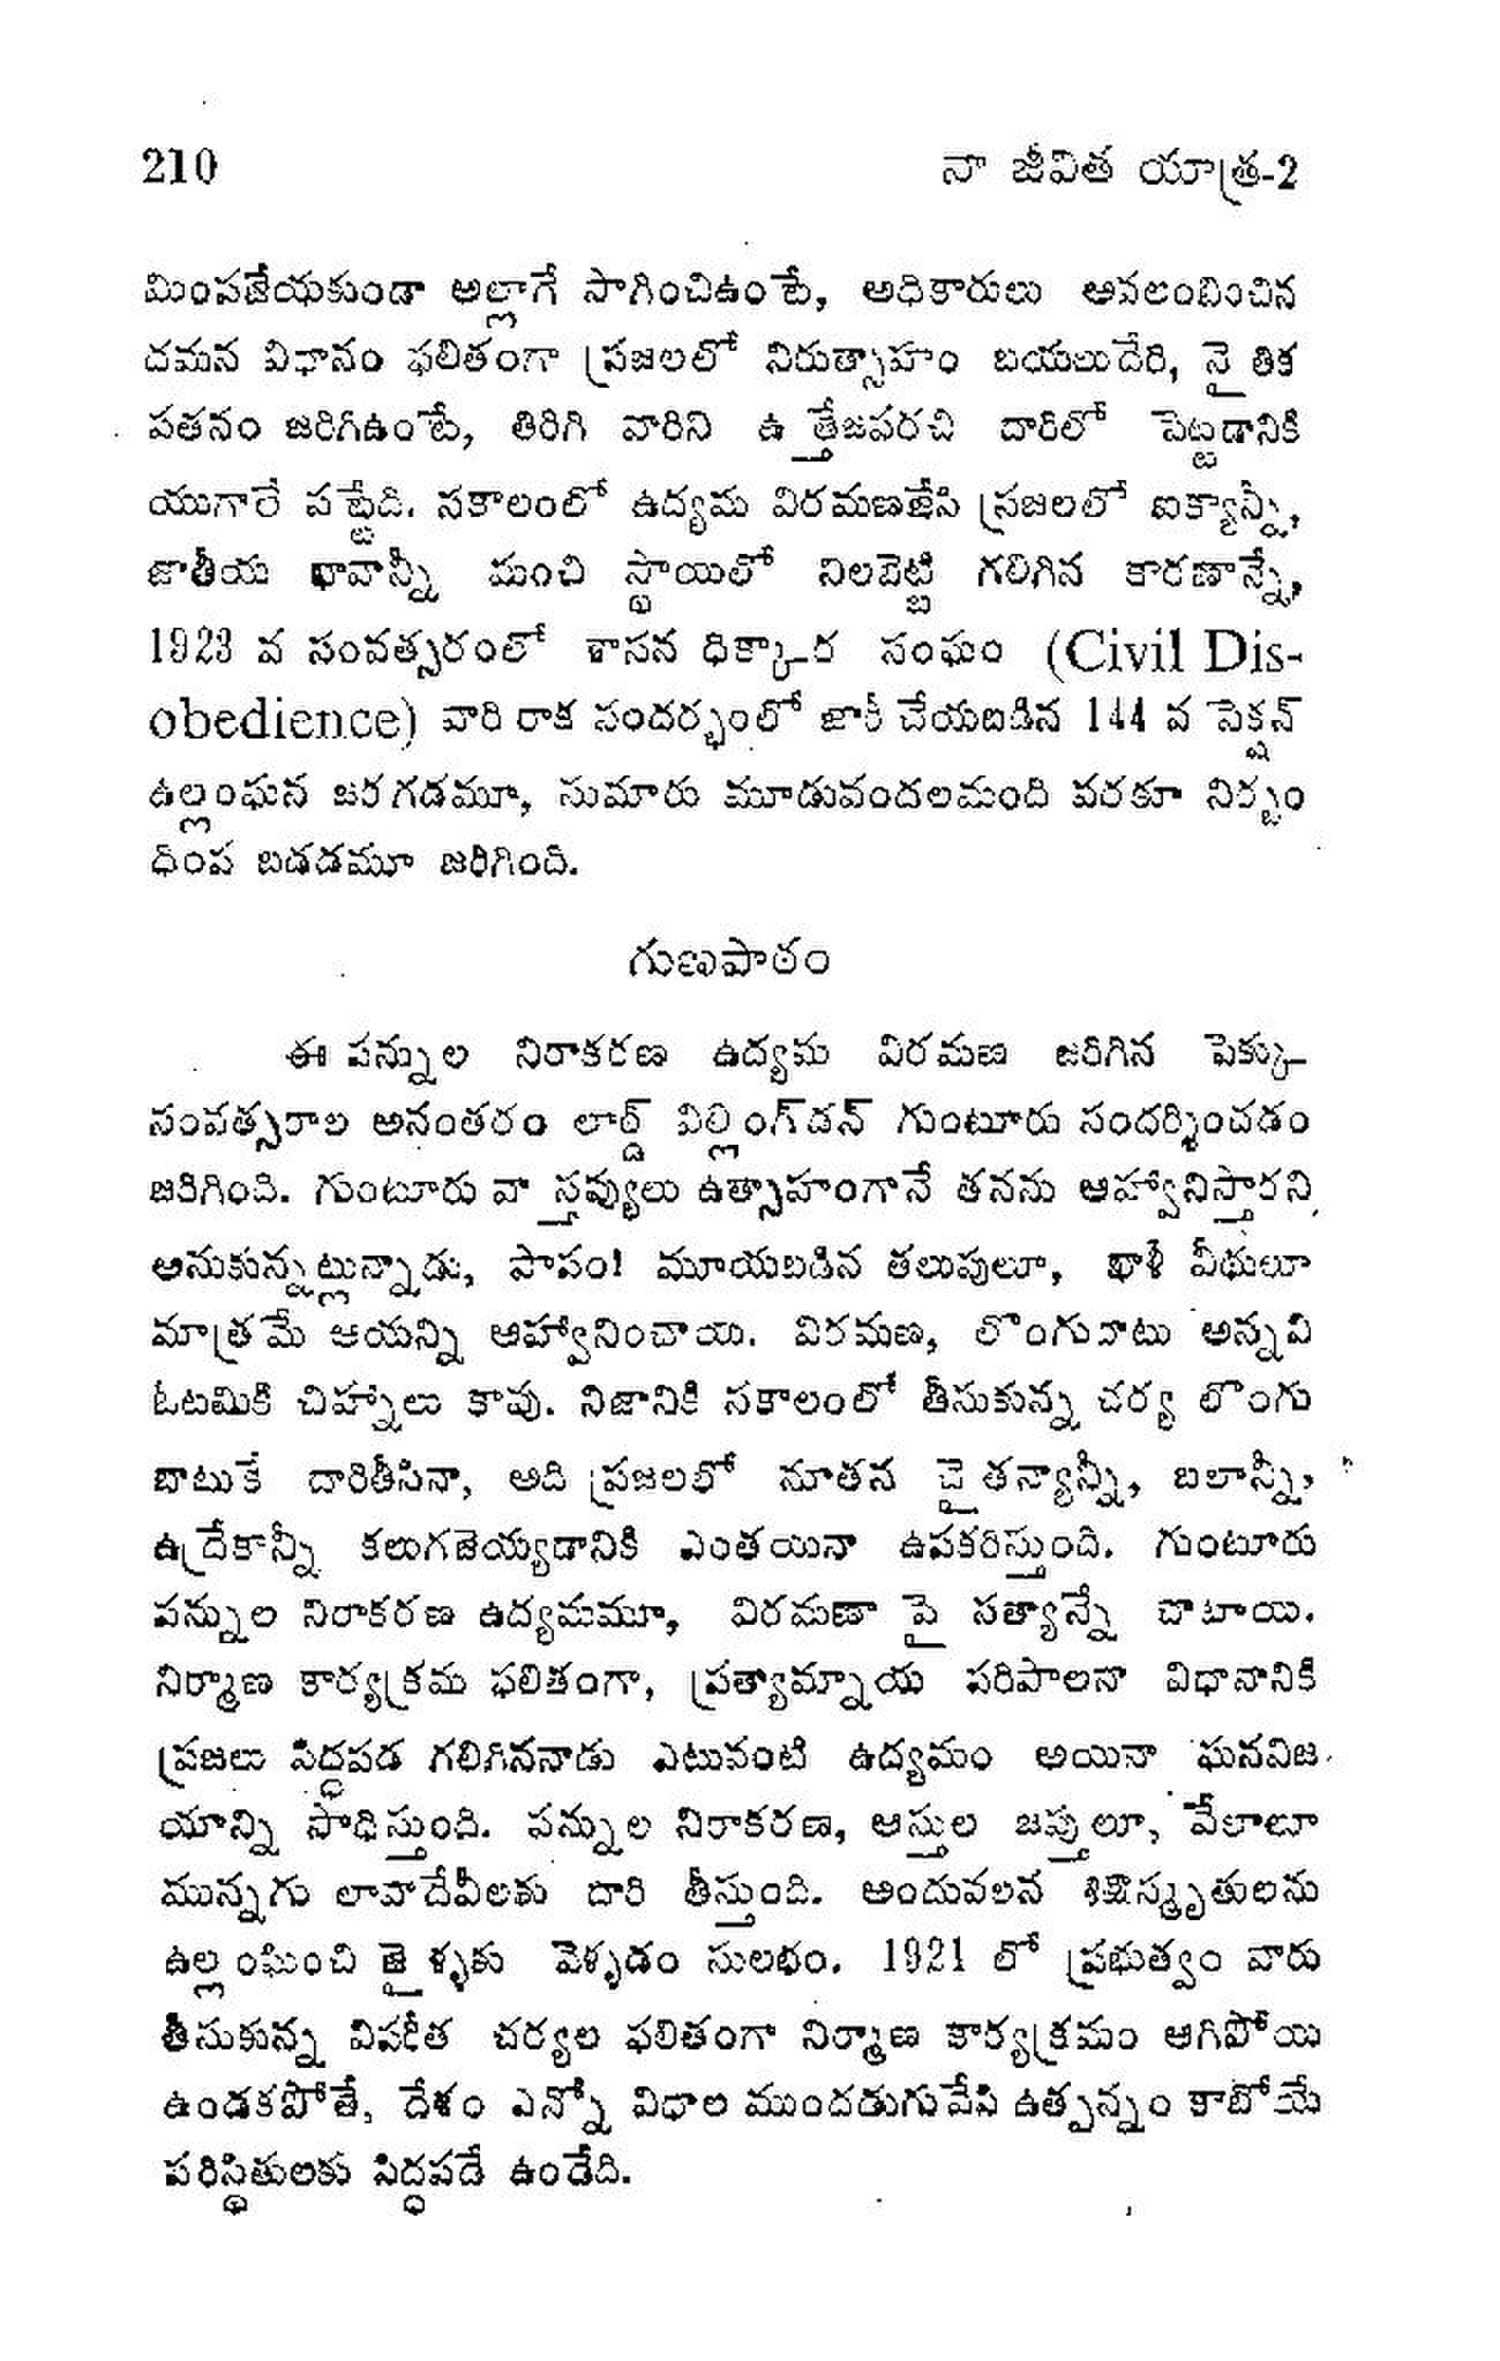మింపజేయకుండా అల్లాగే సాగించిఉంటే, అధికారులు అవలంబించిన దమన విధానం ఫలితంగా ప్రజలలో నిరుత్సాహం బయలుదేరి, నైతిక పతనం జరిగిఉంటే, తిరిగి వారిని ఉత్తేజపరచి దారిలో పెట్టడానికి యుగాలే పట్టేది. సకాలంలో ఉధ్యమ విరమణజేసి ప్రజలలో ఐక్యాన్నీ, జాతీయ భావాన్నీ మంచి స్థాయిలో నిలబెట్టి గలిగిన కారణాన్నే, 1923 వ సంవత్సరంలో శాసన ధిక్కార సంఘం (Civil Disobedience) వారి రాక సందర్భంలో జారీ చేయబడిన 144 వ సెక్షన్ ఉల్లంఘన జరగడమూ, సుమారు మూడువందలమంది వరకూ నిర్బందింప బడడమూ జరిగింది.

ఈ పన్నుల నిరాకరణ ఉద్యమ విరమణ జరిగిన పెక్కు సంవత్సరాల అనంతరం లార్డ్ విల్లింగ్‌డన్ గుంటూరు సందర్శించడం జరిగింది. గుంటూరు వాస్తవ్యులు ఉత్సాహంగానే తనను ఆహ్వానిస్తారని అనుకున్నట్లున్నాడు, పాపం! మూయబడిన తలుపులూ, ఖాళీ వీథులూ మాత్రమే ఆయన్ని ఆహ్వానించాయి. విరమణ, లొంగుపాటు అన్నవి ఓటమికి చిహ్నాలుకావు. నిజానికి సకాలంలో తీసుకున్న చర్య లొంగు బాటుకే దారితీసినా, అది ప్రజలలో నూతన చైతన్యాన్నీ, బలాన్నీ, ఉద్రేకాన్ని కలుగజెయ్యడానికి ఎంతయినా ఉపకరిస్తుంది. గుంటూరు పన్నుల నిరాకరణ ఉద్యమమూ, విరమణా పై సత్యాన్నే చాటాయి. నిర్మాణ కార్యక్రమ ఫలితంగా, ప్రత్యామ్నాయ పరిపాలనా విధానానికి ప్రజలు సిద్ధపడ గలిగిననాడు ఎటువంటి ఉద్యమం అయినా ఘనవిజయాన్ని సాధిస్తుంది. పన్నుల నిరాకరణ, ఆస్తుల జప్తులూ, వేలాలూ మున్నగు లావాదేవీలకు దారి తీస్తుంది. అందువలన శిక్షాస్మృతులను ఉల్లంఘించి జైళ్ళకు వెళ్ళడం సులభం. 1921 లో ప్రభుత్వం వారు తీసుకున్న విపరీత చర్యల ఫలితంగా నిర్మాణ కార్యక్రమం ఆగిపోయి ఉండకపోతే దేశం ఎన్నో విధాల ముందడుగువేసి ఉత్పన్నం కాబోయే పరిస్థితులకు సిద్ధపడే ఉండేది.